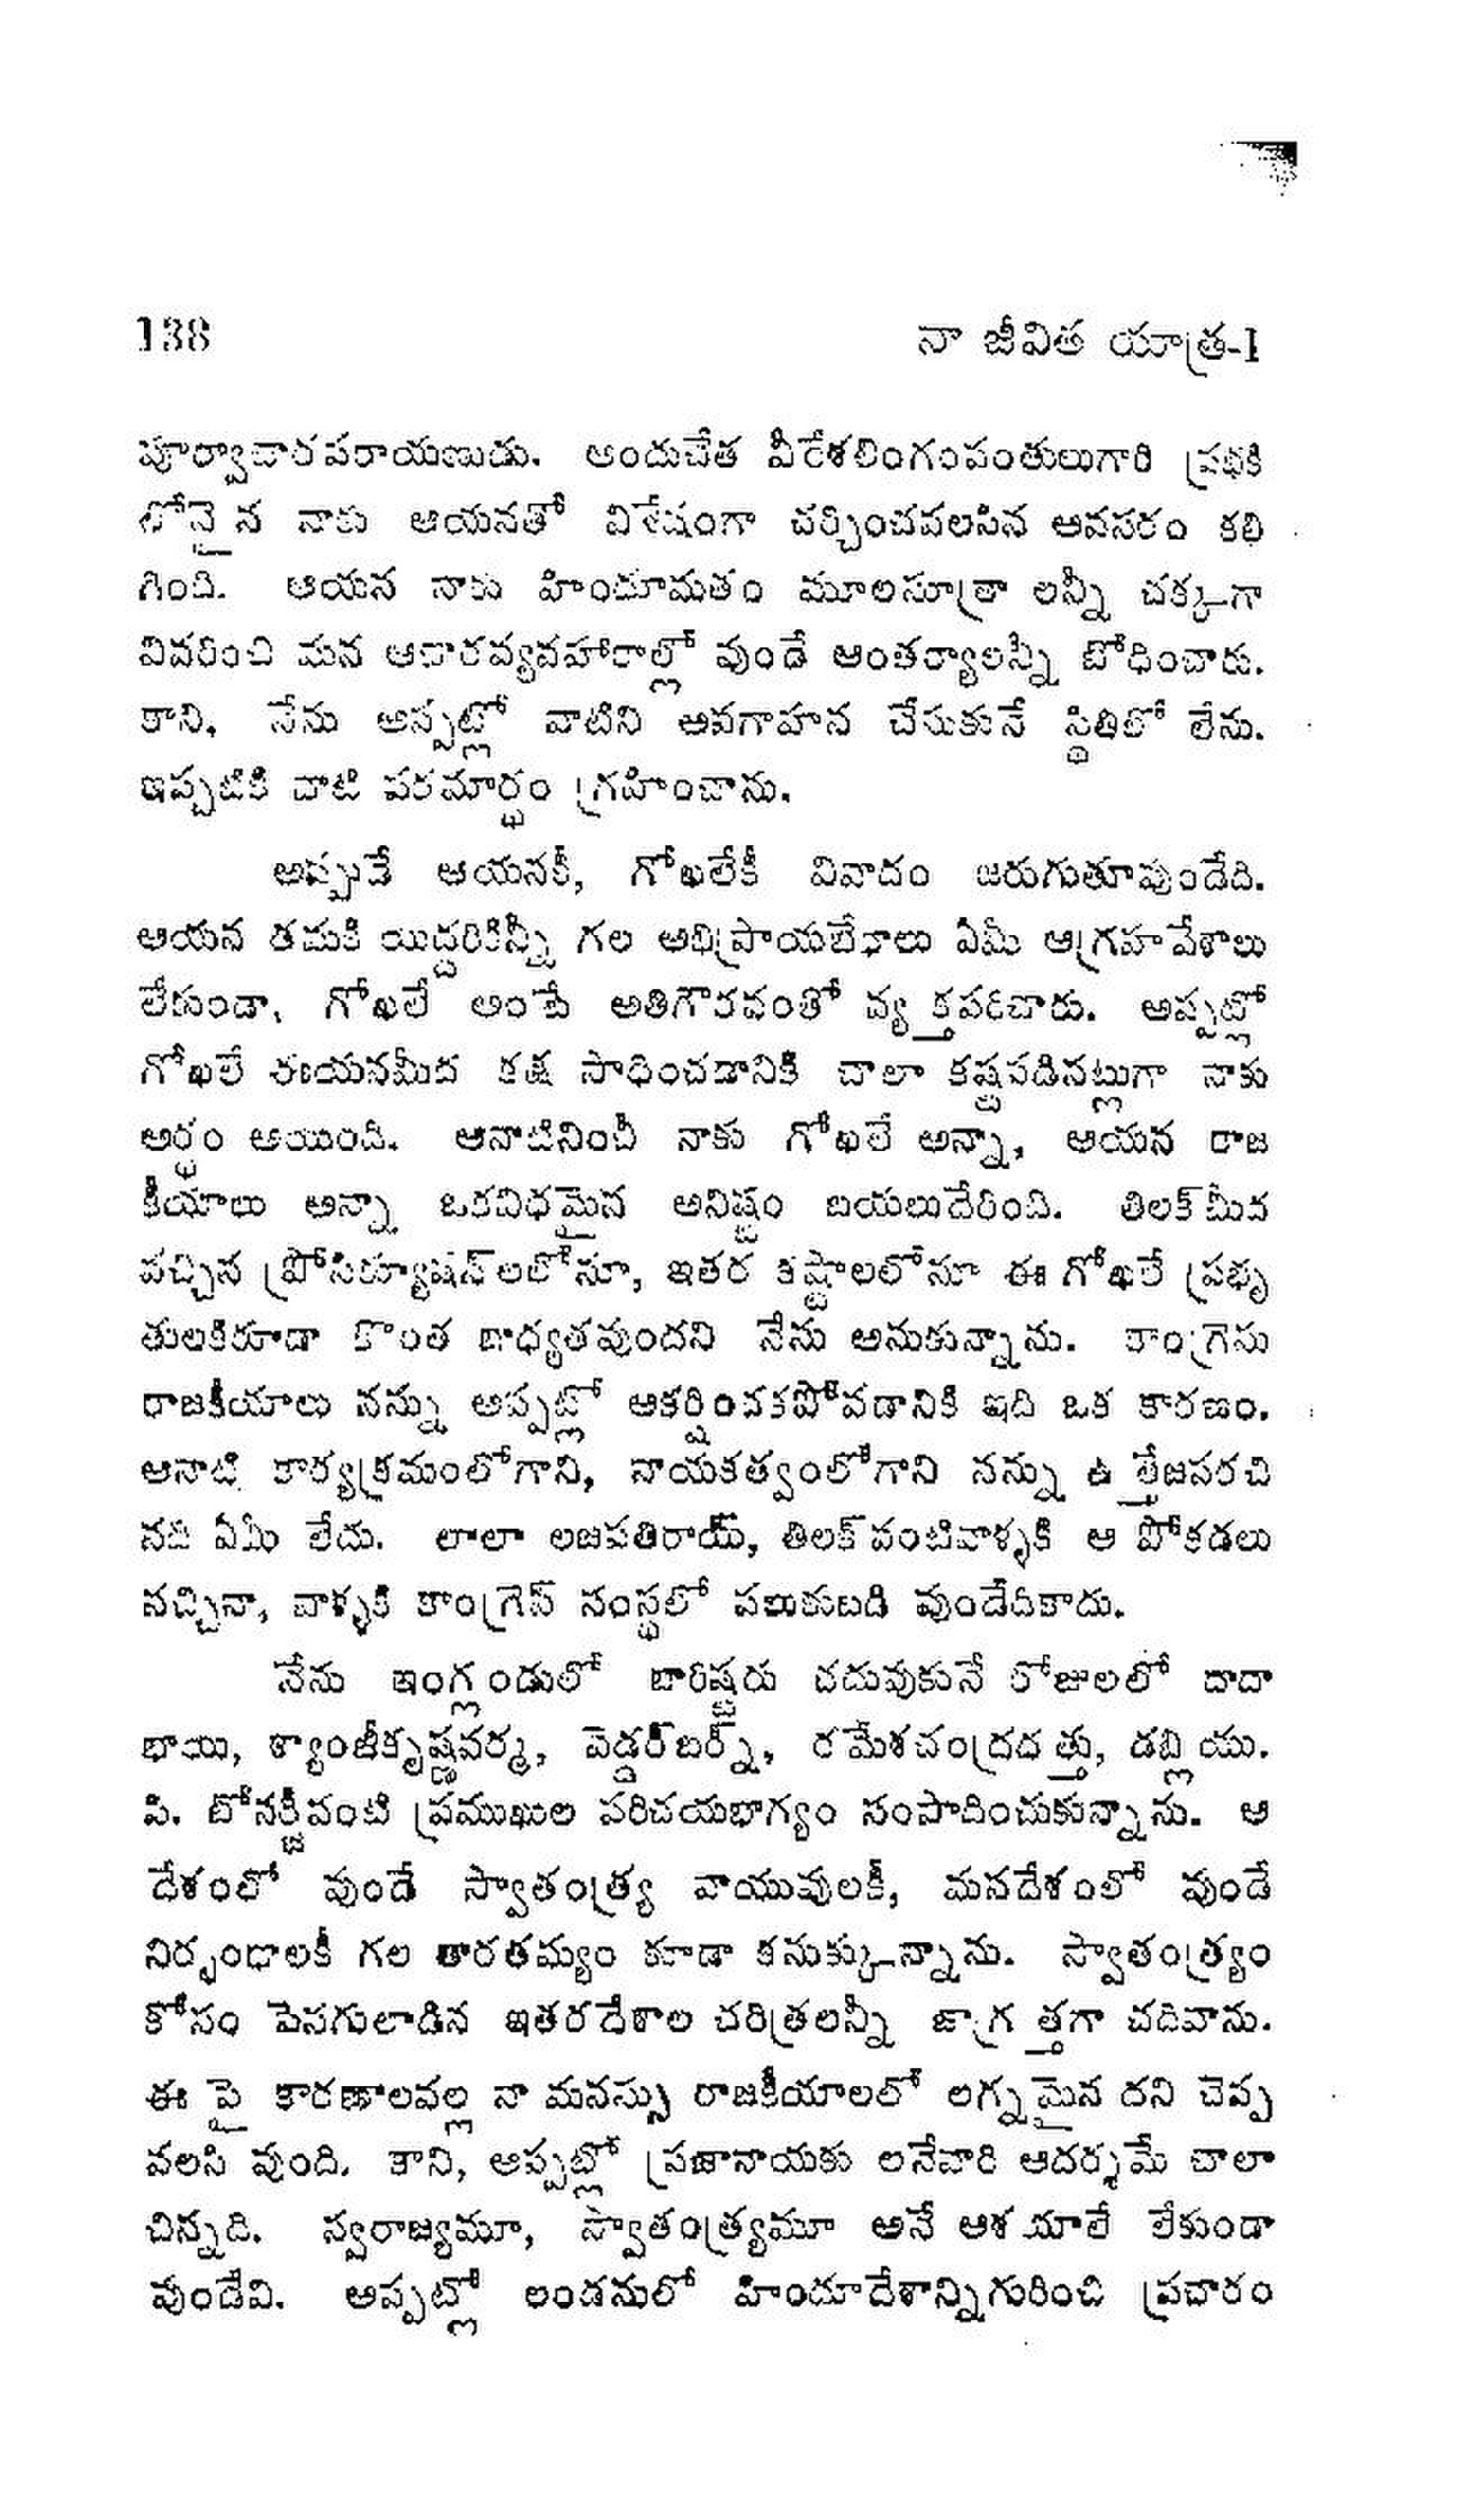పూర్వాచార పరాయణుడు. అందుచేత వీరేశలింగంపంతులుగారి ప్రభకి లోనైన నాకు ఆయనతో విశేషంగా చర్చించవలసిన ఆవసరం కలిగింది. ఆయన నాకు హిందూమతం మూలసూత్రాలన్నీ చక్కగా వివరించి మన ఆచార వ్యవహారాల్లో వుండే ఆంతర్యాలన్నీ బోధించారు. కాని, నేను అప్పట్లో వాటిని అవగాహన చేసుకునే స్థితిలో లేను. ఇప్పటికి వాటి పరమార్థం గ్రహించాను.

అప్పుడే ఆయనకీ, గోఖలేకీ వివాదం జరుగుతూవుండేది. ఆయన తమకి యిద్దరికిన్నీ గల అభిప్రాయబేధాలు ఏమీ ఆగ్రహావేశాలు లేకుండా, గోఖలే అంటే అతిగౌరవంతో వ్యక్తపరిచారు. అప్పట్లో గోఖలే ఆయనమీద కక్ష సాధించడానికి చాలాకష్టపడినట్లుగానే అర్థం అయింది. ఆనాటినించీ నాకు గోఖలే అన్నా, ఆయన రాజకీయాలు అన్నా ఒకవిధమైన అనిష్టం బయలుదేరింది. తిలక్ మీద వచ్చిన ప్రోసిక్యూషన్లలోనూ, ఇతర కష్టాలలోనూ ఈ గోఖలే ప్రభృతులకికూడా కొంత బాధ్యతవుందని నేను అనుకున్నాను. కాంగ్రెసు రాజకీయాలు నన్ను అప్పట్లో ఆకర్షించక పోవడానికి ఇది ఒక కారణం. ఆనాటి కార్యక్రమంలోగాని, నాయకత్వం లోగాని నన్ను ఉత్తేజపరచినది ఏమీ లేదు. లాలా లజపతిరాయ్, తిలక్ వంటివాళ్ళకి ఆ పోకడలు వచ్చినా, వాళ్ళకి కాంగ్రెస్ సంస్థలో పలుకుబడి వుండేదికాదు.

నేను ఇంగ్లండులో బారిష్టరు చదువుకునే రోజులలో దాదా భాయి, శ్యాంజీకృష్ణవర్మ, వెడ్డర్ బర్న్, రమేశచంద్రదత్తు, డబ్లి యి. సి. బోనర్జీ వంటి ప్రముఖుల పరిచయభాగ్యం సంపాదించుకున్నాను. ఆ దేశంలో వుండే స్వాతంత్ర్య వాయువులకీ, మనదేశంలో వుండే నిర్బంధాలకీ గల తారతమ్యం కూడా కనుక్కున్నాను. స్వాతంత్ర్యం కోసం పెనగులాడిన ఇతర దేశాల చరిత్రలన్నీ జాగ్రత్తగా చదివాను. ఈ పై కారణాలవల్ల నా మనస్సు రాజకీయాలలో లగ్నమైన దని చెప్ప వలసి వుంది, కాని, అప్పట్లో ప్రజానాయకు లనేవారి ఆదర్శమే చాలా చిన్నది. స్వరాజ్యమూ, స్వాతంత్ర్యమూ ఆనే ఆశయాలే లేకుండా వుండేవి. అప్పట్లో లండనులో హిందూదేశాన్నిగురించి ప్రచారం